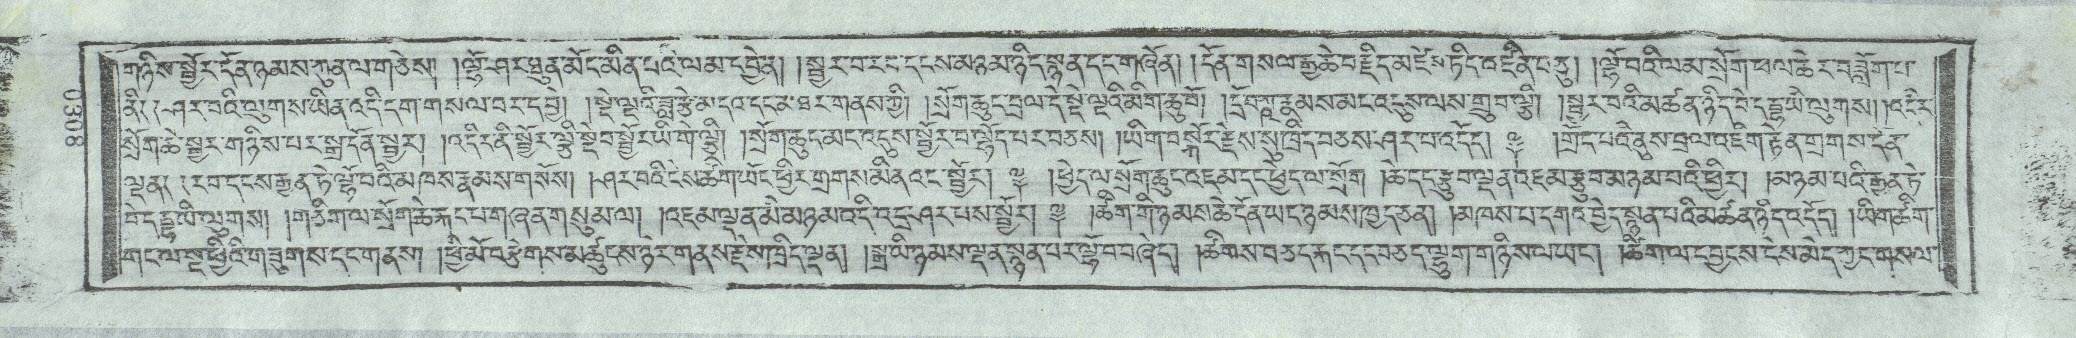གཉིས་སྦྱོར་དོན་ཉམས་ཀུན་ལ་གཅེས། །ལྷོ་ཤར་ཐུན་མོང་མིན་པའི་ལམ་དབྱེ་ན། །སྦྱར་བ་རབ་དངས་མཉམ་ཉིད་སྙན་དང་གཞོན། །དོན་གསལ་རྒྱ་ཆེ་བརྗིད་མཛེས་ཏིང་འཛིན་བཅུ། །ལྷོ་བའི་ལམ་སྲོག་ཕལ་ཆེར་བཟློག་པ་
ནི། །ཤར་པའི་ལུགས་ཡིན་འདི་དག་གསལ་བར་དབྱེ། །སྡེ་ལྔའི་ཟླ་རྩེ་མདའ་དང་མཐར་གནས་ཀྱི། །སྲོག་ཆུང་བྲལ་དེ་སྡེ་ལྔའི་མིག་ཆུ་བོ། །དྲོ་བཀྵ་རྣམས་མང་འདུས་ལས་གྲུབ་ལྕི། །སྦྱར་བའི་མཚན་ཉིད་བེ་ད་རྦྷ་ཡི་ལུགས། །འདིར་
སྲོག་ཆེ་སྦྱར་གཉིས་པར་སྒྲ་དོན་སྦྱར། །འདིར་ནི་སྦྱོར་ལྕི་སྡེབ་སྦྱོར་ཡི་གེ་ལྕི། །སྲོག་ཆུང་མང་འདུས་སྦྱོར་བ་ལྷོད་པར་བཅས། །ཡིག་བསྐོར་རྗེས་སུ་ཁྲིད་བཅས་ཤར་པ་འདོད། ༈ །གྲོང་པའི་ནུས་བྲལ་འཇིག་རྟེན་གྲགས་དོན་
ལྡན། །རབ་དངས་རྒྱན་ཏེ་ལྷོ་བའི་མཁས་རྣམས་གསོས། །ཤར་བའི་ངེས་ཚིག་ཡོང་ཕྱིར་གྲགས་མིན་འང་སྦྱོར། ༈ །ཕྱེད་ལ་སྲོག་ཆུང་འཇམ་དང་ཕྱེད་ལ་སྲོག། །ཆེ་དང་རྩུབ་ལྡན་འཇམ་རྩུབ་མཉམ་པའི་ཕྱིར། །མཉམ་པའི་རྒྱན་ཏེ་
བེ་དདྷ་ཡི་ལུགས། །གཅིག་ལ་སྲོག་ཆེ་རྐང་པ་གཞན་གསུམ་ལ། །འཇམ་ལྡན་མི་མཉམ་འདི་འདྲ་ཤར་པས་སྦྱོར། ༈ །ཚིག་གི་ཉམས་ཆེ་དོན་ཡང་ཉམས་ཁྱད་ཅན། །མཁས་པ་དགའ་བྱེད་སྙན་པའི་མཚན་ཉིད་འདོད། །ཡིག་ཚིག་
གང་ལ་ལྔ་ཕྱིའི་གཟུགས་དང་གནས། །ཕྱི་མོ་བརྩེགས་མཚུངས་ཉེར་གནས་རྗེས་ཁྲིད་ལྡན། །སྒྲ་ཡི་ཉམས་ལྡན་སྙན་པར་ལྷོ་བ་བཞེད། །ཚིགས་བཅད་རྐང་དང་བཅད་ལྷུག་གཉིས་ལ་ཡང་། །ཚིག་ལ་དབྱངས་ངེས་མེད་ཀྱང?་གསལ་